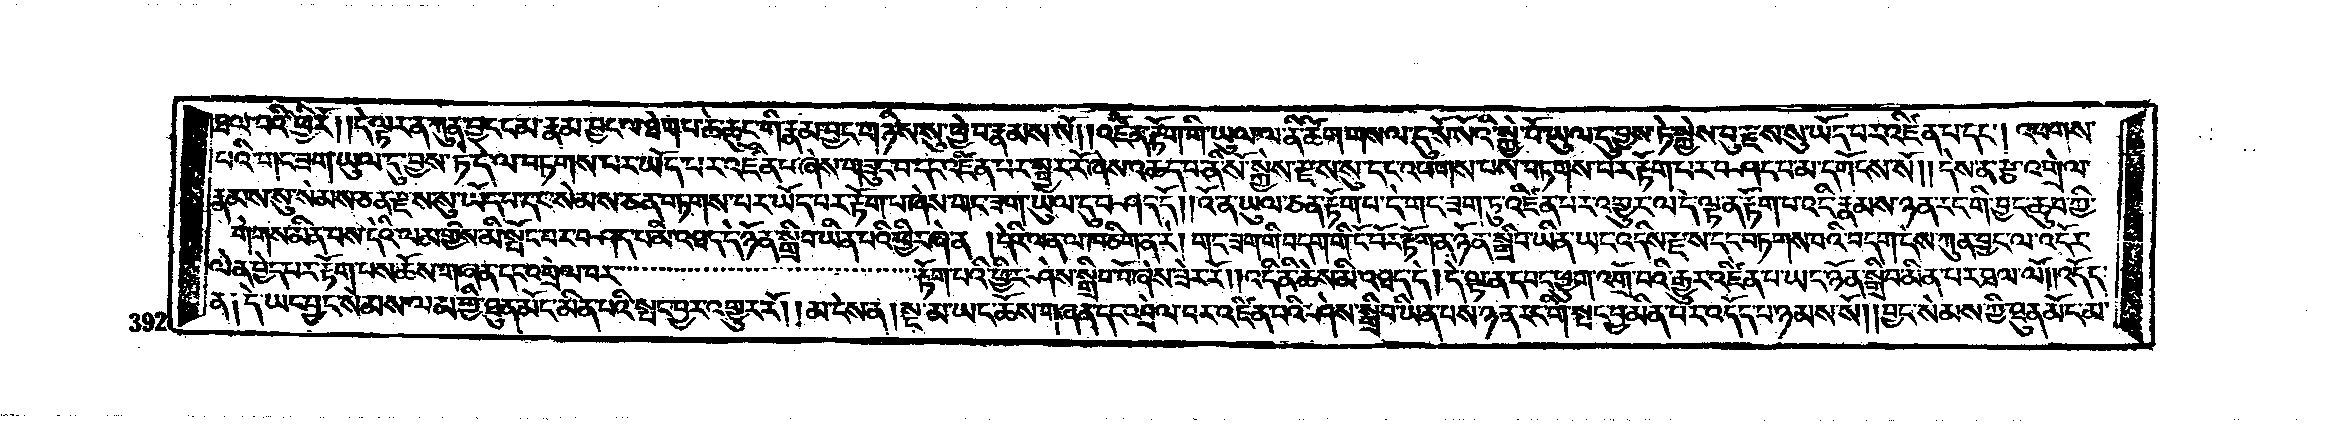ཐལ་བའི་ཕྱིར་རོ། །ད་ལྟར་ན་ཀུན་བྱང་ངམ་རྣམ་བྱང་ལ་ཐེག་པ་ཆེ་ཆུང་གི་རྣམ་བྱང་གཉིས་སུ་ཕྱེ་བ་རྣམས་སོ། །འཛིན་རྟོག་གི་ཡུལ་ལ་ནི་ཚིག་གསལ་དུ་སོ་སོའི་སྐྱེ་བོ་ཡུལ་དུ་བྱས་ཏེ་སྐྱེས་བུ་རྫས་སུ་ཡོད་པར་འཛིན་པ་དང་། འཕགས་
པའི་གང་ཟག་ཡུལ་དུ་བྱས་ཏེ་དེ་ལ་བཏགས་པར་ཡོད་པར་འཛིན་པ་ཞེས་གཟུང་བ་དང་འཛིན་པར་སྦྱར་རོ་ཞེས་འཆད་པ་ནི་སོ་སྐྱེས་རྫས་སུ་དང་འཕགས་པས་བཏགས་པར་རྟོག་པར་བཤད་པ་མ་དགོངས་སོ། །དེས་ན་རྩ་འགྲེལ་
རྣམས་སུ་སེམས་ཅན་རྫས་སུ་ཡོད་པ་དང་སེམས་ཅན་བཏགས་པར་ཡོད་པར་རྟོག་པ་ཞེས་གང་ཟག་ཡུལ་དུ་བཤད་དོ། །འོ་ན་ཡུལ་ཅན་རྟོག་པ་དེ་གང་ཟག་ཏུ་འཛིན་པར་འགྱུར་ལ་དེ་ལྟ་ན་རྟོག་པ་འདི་རྣམས་ཉན་རང་གི་བྱང་ཆུབ་ཀྱི་
གེགས་མིན་པས་དེའི་ལམ་གྱིས་མི་སྤོང་བར་བཤད་པ་མི་འཐད་དེ་ཉོན་སྒྲིབ་ཡིན་པའི་ཕྱིར་ཞེ་ན། དེའི་ལན་ལ་ཁ་ཅིག་ན་རེ། གང་ཟག་གི་བདག་གི་ངོ་བོར་རྟོག་ན་ཉོན་སྒྲིབ་ཡིན་ཡང་འདིས་རྫས་དང་བཏགས་པའི་བདག་དེས་ཀུན་བྱང་ལ་འདོར་
ལེན་བྱེད་པར་རྟོག་པས་ཆོས་གཞན་དང་འགྲེལ་བར་རྟོག་པའི་ཕྱིར་ཤེས་སྒྲིབ་བོ་ཞེས་ཟེར་རོ། །འདི་ནི་ཆེས་མི་འཐད་དེ། དེ་ལྟ་ན་དབང་ཕྱུག་འགྲོ་བའི་རྒྱུར་འཛིན་པ་ཡང་ཉོན་སྒྲིབ་མིན་པར་ཐལ་ལོ། །འདོད་
ན། དེ་ཡང་བྱང་སེམས་ལམ་གྱི་ཐུན་མོང་མིན་པའི་སྤང་བྱར་འགྱུར་རོ། །མ་ངེས་ན། སྔ་མ་ཡང་ཆོས་གཞན་དང་འབྲེལ་བར་འཛིན་པའི་ཤེས་སྒྲིབ་ཡིན་པས་ཉན་རང་གི་སྤང་བྱ་མིན་པར་འདོད་པ་ཉམས་སོ། །བྱང་སེམས་ཀྱི་ཐུན་མོང་མ་